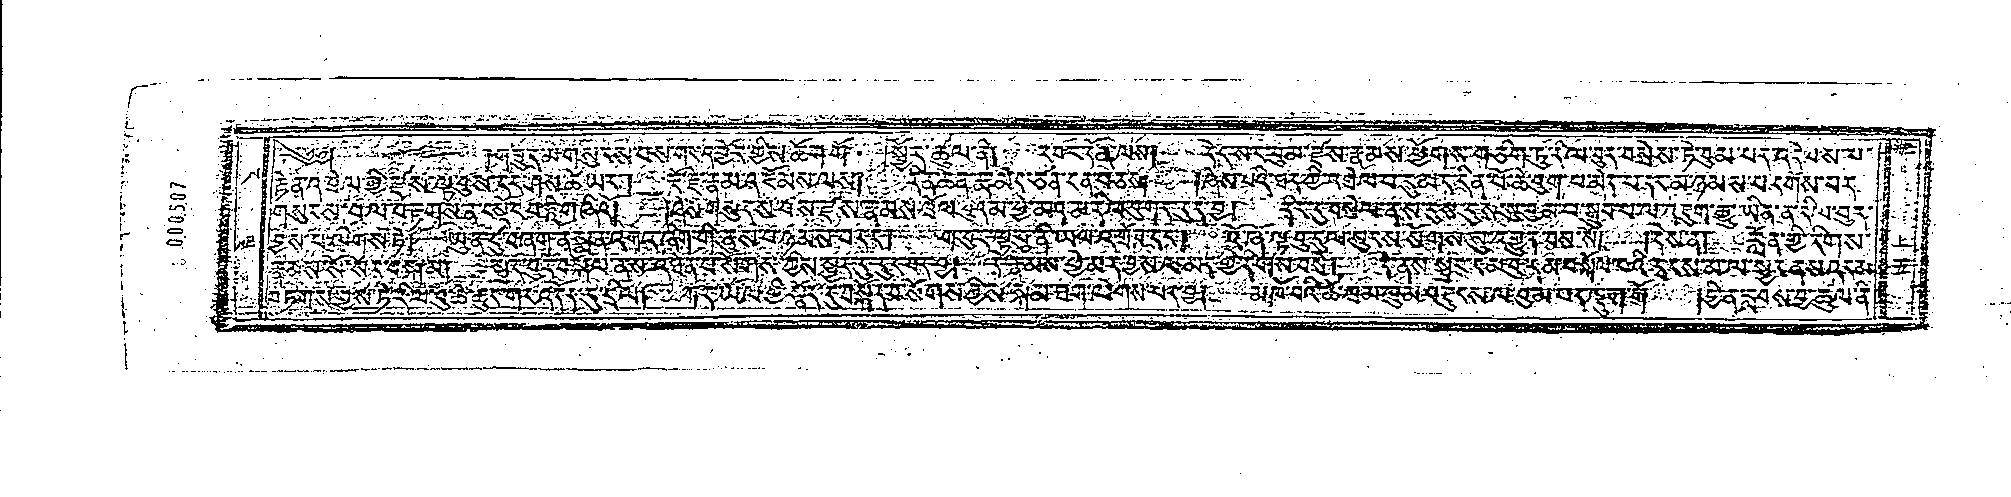༄༅། །གཟུང་མ་གསུངས་པས་གང་འབྱོར་གྱིས་ཆོག་གོ །སྦྱོར་ཚུལ་ནི། དབང་དོན་ལས། དེང་སང་བུམ་རྫས་རྣམས་ཕྱོགས་གཅིག་ཏུ་རིལ་བུར་བསྲེས་ཏེ་བུམ་པར་འདེབས་པ་
རྟེན་འབྲེལ་གྱི་རྫས་ལྟ་བུས་དང་ཤས་ཆེ་ཡང་། རྡོ་རྗེ་རྣམ་འཇོམས་ལས། རིན་ཆེན་རྨ་མེད་ཙན་དན་བཅས། །ཞེས་པའི་ཐད་ཀྱི་འགྲེལ་པ་དུ་མར་རིན་པོ་ཆེ་བུག་པ་མེད་པ་དང་མ་ཉམས་པ་དགོས་པར་
གསུངས་པ་ལ་བརྟགས་ན་བསྡོད་པ་ཧཱི་གཞིའོ། །ཞེས་གསུངས་པས་རྫས་རྣམས་ཁྲོལ་བུའམ་ཕྱེ་མའམ་རིལ་བུ་གང་རུད་བྱ། རིང་དུ་བསྲེལ་ནས་དུས་དུས་སུ་བུམ་པ་སྒྲུབ་པ་ལ་འཇུག་རྒྱུ་ཡིན་ན་རིལ་བུར་
བྱས་པ་ལེགས་ཏེ། ཡུན་དུ་བཞག་ན་སྨན་འགའ་ཞིག་གི་ནུས་པ་ཉམས་པ་དང་། ག་བུར་ལྟ་བུ་ནི་ཡལ་འགྲོ་བ་དང་། འོ་ཞོ་ལྟ་བུ་དུལ་སུངས་སོགས་སུ་འགྱུར་བས་སོ། །དེས་ན། རློན་གྱི་རིགས་
རྣམས་སོ་སོར་བསྐམ། སྦྲད་བུར་བསྐོལ་ནས་འཐེན་པ་སོགས་ཀྱིས་སྦྱར་དུ་དུང་བར་བྱ། དེ་རྣམས་ཕྱེ་མར་བྱས་ལ་མར་གྱི་རིགས་བསྲེ། དེ་ནས་སྦྲང་ངམ་བུ་རམ་བསྐོལ་བའི་དྭངས་མ་ལ་སྦྱང་ནས་འདམ་
བཏགས་བྱས་ཏེ་རིལ་བུ་ཆེ་ཆུང་གང་འདོད་དུ་དྲིལ། ཀར་ཡོལ་གྱི་སྣོད་དུ་བསྐོར་བ་སོགས་ཀྱིས་སྐམ་ཐག་ལེགས་པར་བྱ། མཁོ་བའི་ཚེ་ཁྲམ་ཁྲུམ་བརྡུངས་ལ་བུམ་པར་ལྡུག་གོ །བྱིན་རླབས་བྱ་ཚུལ་ནི་